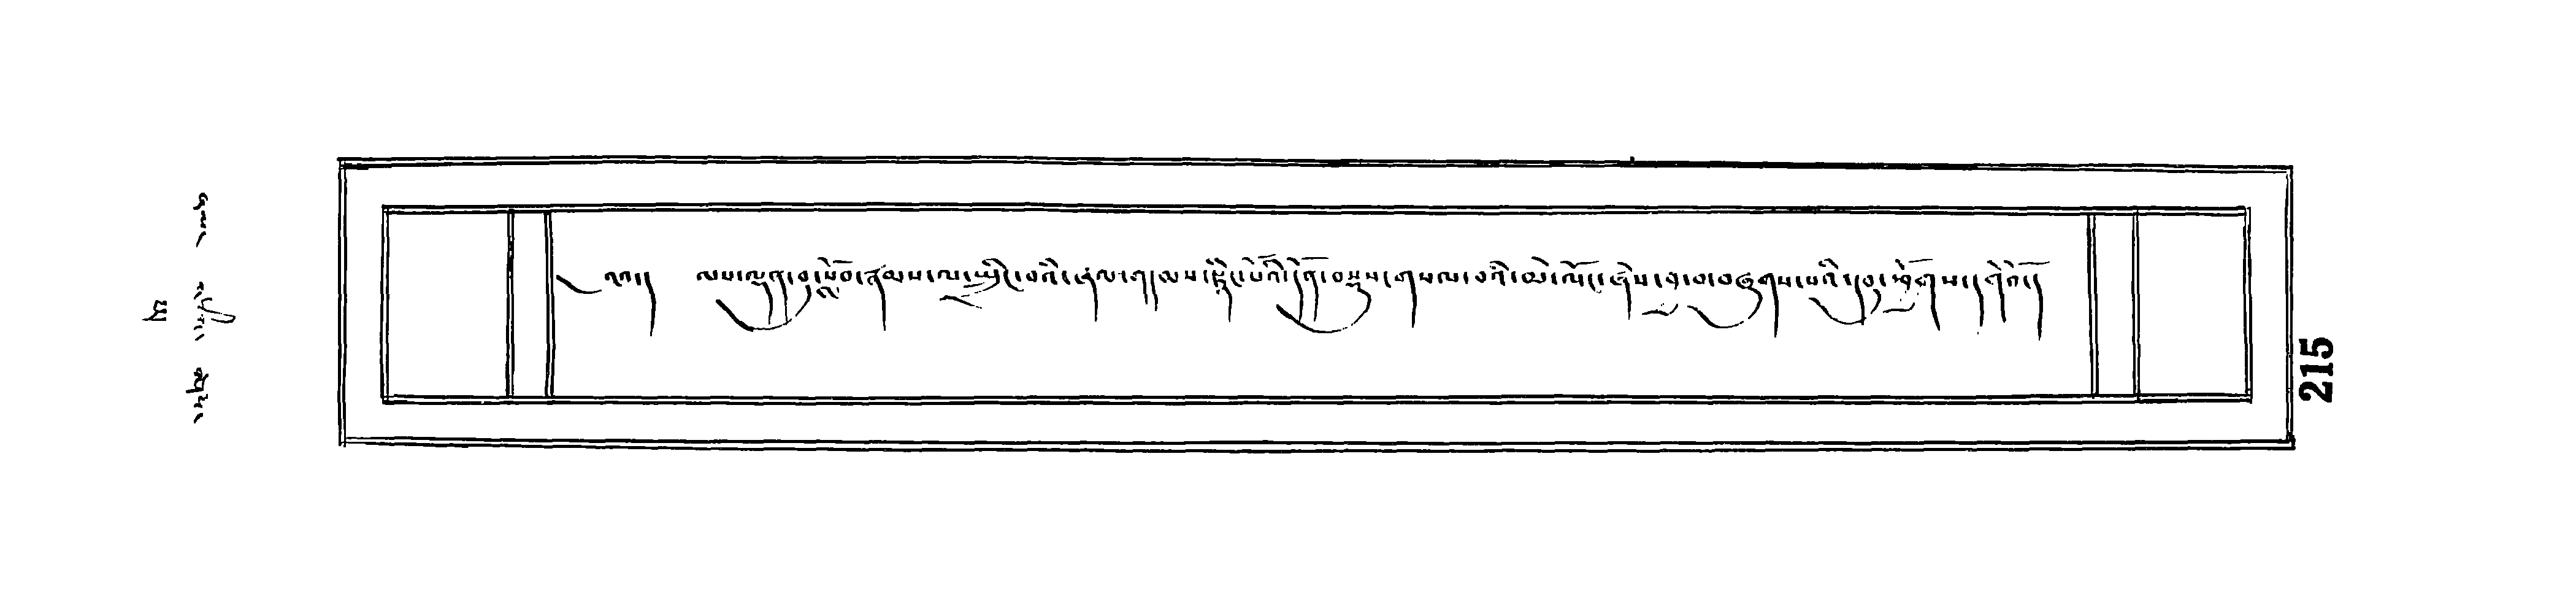༄༅། ལས་ལྡན་བུ་སློབ་རྣམས་ལ་སྤྲིངས་བའི་ཞལ་གདམས་སྙིང་པོའི་དོན་བསྡུས་གསལ་བའི་མེ་ལོང་ཞེས་བྱ་བ་བཞུགས་པའི་དབུ་ཕྱོགས་དགེའོ།།